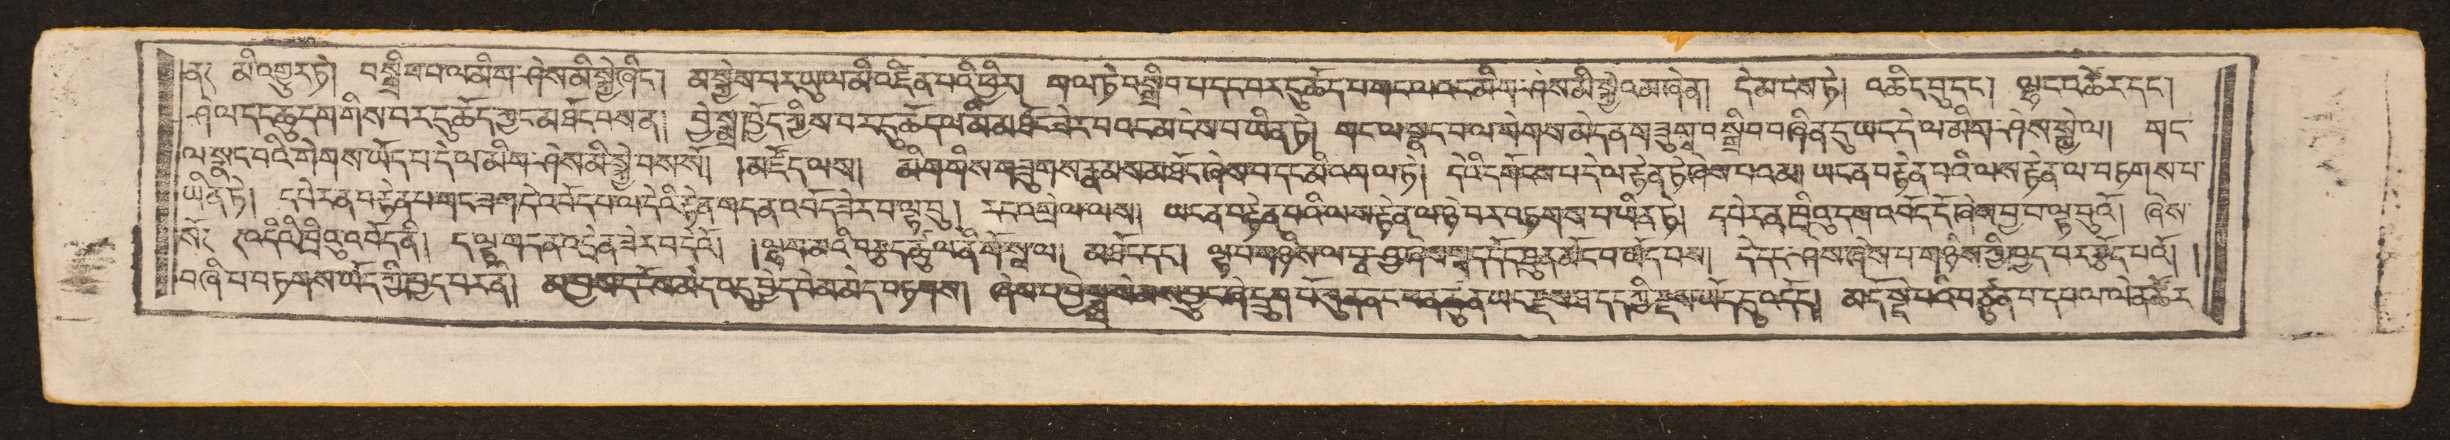ན༑ མི་འགྱུར་ཏེ། བསྒྲིབ་པ་ལ་མིག་ཤེས་མི་སྐྱེ་ཞིང་། མ་སྐྱེས་པར་ཡུལ་མི་འཛིན་པའི་ཕྱིར། གལ་ཏེ་བསྒྲིབ་པ་དང་བར་དུ་ཆོད་པ་གང་ལ་འང་མིག་ཤེས་མི་སྐྱེ་འམ་ཞེ་ན། དེ་མ་ངས་ཏེ། འཆིང་བུ་དང་། ལྷང་འཚེར་དང་།
ཤེལ་དང་ཆུ་དག་གིས་བར་དུ་ཆོད་ཀྱང་མཐོང་བས་ན། བྱེ་སྨྲ་ཁྱོད་ཀྱིས་བར་དུ་ཆོད་ལ་མི་མཐོང་ཟེར་བའང་མ་ངེས་པ་ཡིན་ཏེ། གང་ལ་སྣང་བ་ལ་གེགས་མེད་ན་གཟུགས་བསྒྲིབ་བཞིན་དུ་ཡང་དེ་ལ་མིག་ཤེས་སྐྱེ་ལ། གང་
ལ་སྣང་བའི་གེགས་ཡོད་པ་དེ་ལ་མིག་ཤེས་མི་སྐྱེ་བས་སོ། །མཛོད་ལས། མིག་གིས་གཟུགས་རྣམས་མཐོང་ཞེས་བ་དང་མི་འགལ་ཏེ། དེའི་དགོངས་པ་དེ་ལ་རྟེན་ཏེ་ཞེས་པ་འམ། ཡང་ན་བརྟེན་པའི་ལས་རྟེན་ལ་བཏགས་པ་
ཡིན་ཏེ། དཔེར་ན་བརྟེན་པ་གང་ཟག་དེ་འབོད་པ་ལ་དེའི་རྟེན་གང་ན་འབོད་ཟེར་བ་ལྟ་བུ། རང་འགྲེལ་ལས། ཡང་ན་བརྟེན་པའི་ལས་རྟེན་ལ་ཉེ་བར་བཏགས་པ་ཡིན་ཏེ། དཔེར་ན་ཁྲིའུ་ངག་འབོད་དོ་ཞེས་བྱ་བ་ལྟ་བུའོ། ཞེས་
སོ༑ ༑འདིའི་ཁྲིའུ་འབོད་ནི། ད་ལྟ་གདན་འདྲེན་ཟེར་བ་དེའོ། །ལྷག་མའི་བརྩད་ཚུལ་ནི་གོ་སླ་ལ། མཐོང་དང་། ལྟ་བ་གཉིས་ལ་པཱ་ཤྱ་ཞེས་སྐད་དོད་ཐུན་མོང་བ་ཡོད་པས། དེ་དང་ཤེས་ཞེས་པ་གཉིས་ཀྱི་ཁྱད་པར་རྩོད་པའོ། །
བཞི་པ་བཏགས་ཡོད་ཀྱི་ཁྱད་པར་ནི། མ་བྱས་དངོས་མེད་འདུ་བྱེད་བེམ་མེད་བཏགས། ཞེས་པ་བྱེ་སྨྲ་སེམས་བྱུང་ཞེ་དྲུག་པོ་ཀུན་ནང་ཕན་ཚུན་ཡང་རྫས་ཐ་དད་ཀྱི་རྫས་ཡོད་དུ་འདོད། མདོ་སྡེ་པའི་བཙུན་པ་དཔལ་ལེན་ཚོར་